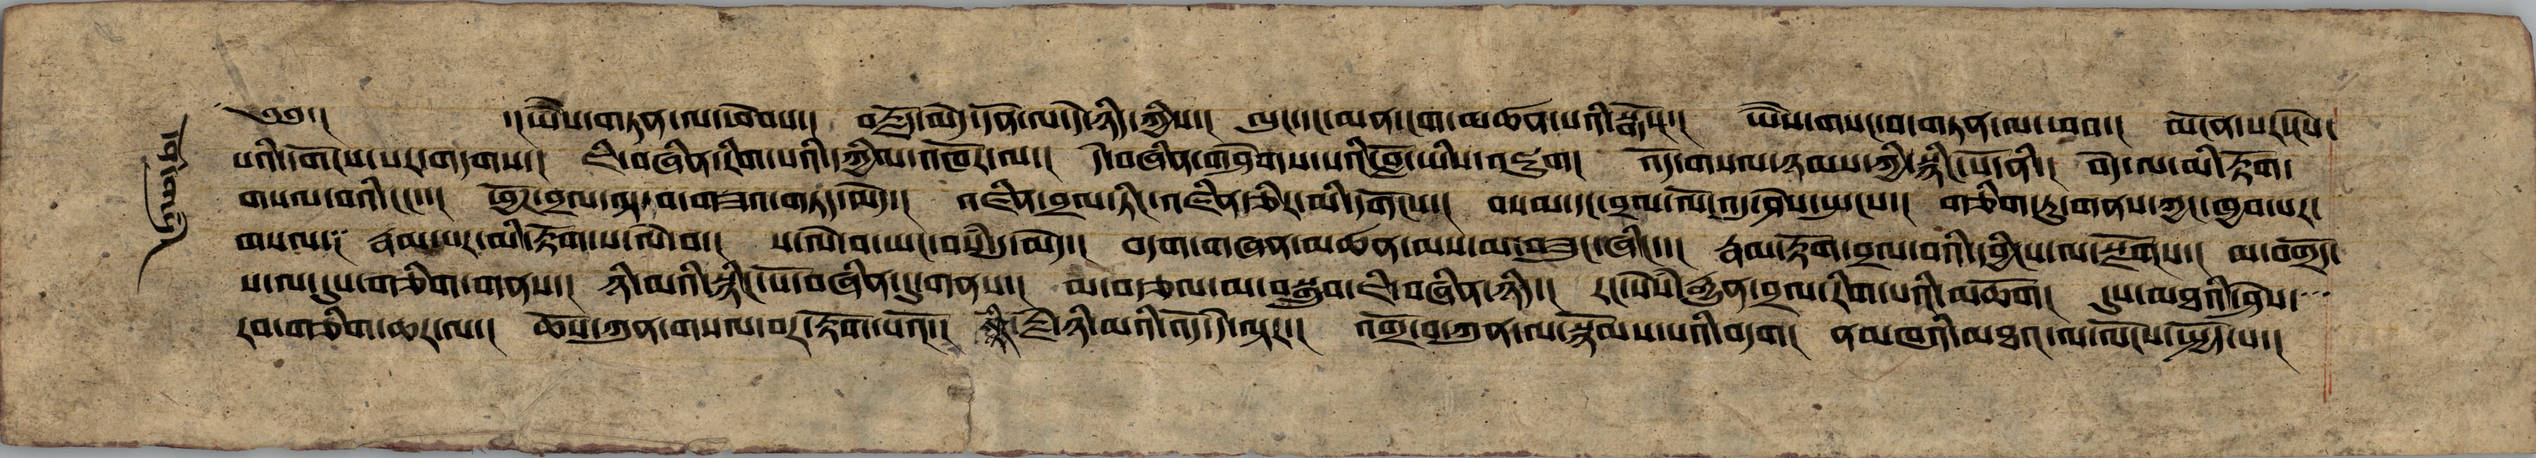༄༅་། ་།ཡཻས་གཏན་ལ་ཕེབས་། བརྗོད་མེད་དོན་ལ་དེ་ཉིད་ཀྱིས་། ལུང་དང་མན་ངག་མཚན་པའི་སྨོས་། ཡཻས་གསང་བ་གཏན་ལ་ཕབ་། མངོན་པར་ངེས་
པའི་དགོངས་པར་གདགས་། ཇི་བཞིན་རིག་པའི་དཀྱིལ་འཁོར་ལ་། དེ་བཞིན་གཤེགས་པའི་བློ་ཡིས་འཇུག། འོད་གསལ་ཉམས་ཀྱི་སྙིང་པོ་ནི་། བདེ་བ་མི་རྟོག་
གསལ་བའི་ངང་་། ཕྱོཌ་བྲལ་ལྟ་བ་གཟའ་གཏད་མེད་། འཛིན་བྲལ་ཏིང་འཛིན་ཅིར་མི་དགོངས་། བསམ་དང་བྲལ་ལོ་འདུ་ཤེས་སྤངས་དངགཅིག་ཏུ་གནས་ཀྱང་ཁྱབ་པར་
གསལ། རྣམ་པར་མི་རྟོག་ས་ལེ་བ་། ས་ལེ་བ་ཡང་བསཾ་དུ་མེད་། བདག་གཞན་མཚན་མས་མ་བཟུང་ཞིང་་། རྣམ་རྟོག་བྲལ་བའི་དབྱིངས་ལ་སྫོགས་། མ་བགྲོད་
ས་ལ་དུས་གཅིག་གནས་། ཉི་མའི་སྙིང་པོ་བཞིན་དུ་གནས་། མ་བརྩལ་མ་བསྒྲུབ་ཇི་བཞིན་ཉིད་། རང་སེཾས་རྒྱུན་བྲལ་རིག་པའི་མཆོག། དུས་མཐའི་ཤེས་
རབ་གཅིག་ཆར་ལ་། ཆོས་ཀུན་གསལ་བར་རྟོག་པའོ་། སྙིང་རྗེ་ཉི་མའི་འོད་དེ་ལྟར་། འགྲོ་བ་ཀུན་ལ་སྙོམས་པའི་བདག། ནམཁའི་མཐའ་ལ་ལོངས་སྤྱོད་པ་།